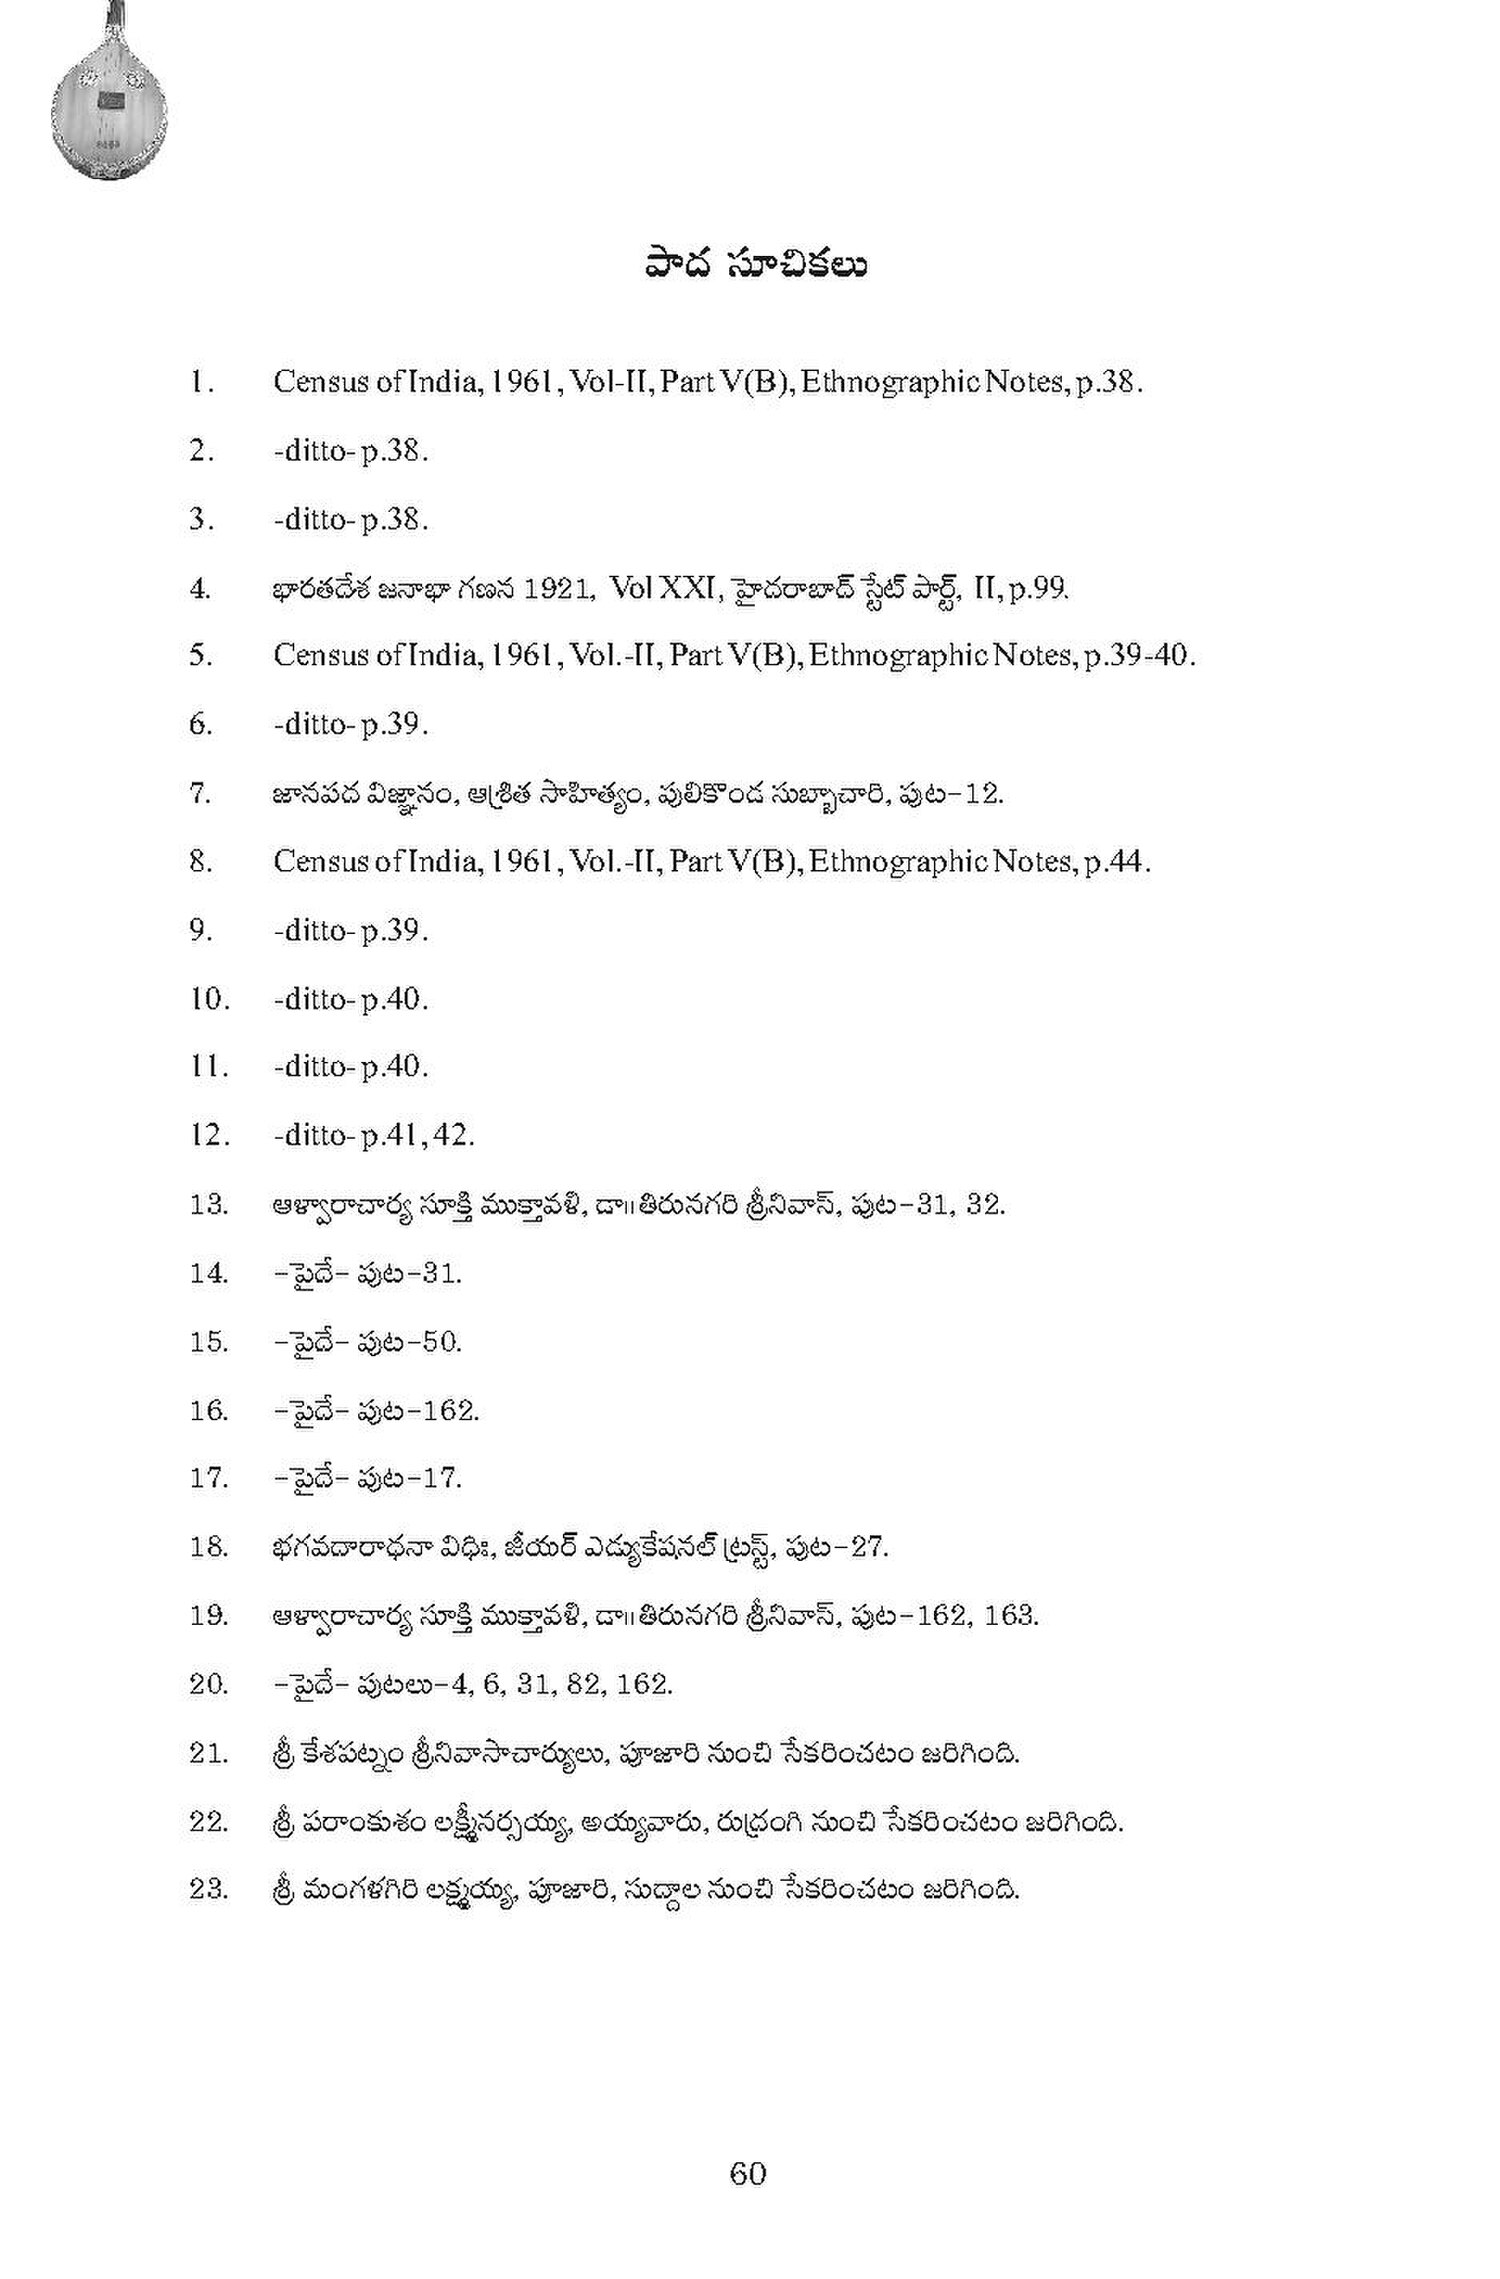1. Census of India, 1961, Vol-II, Part V(B), Ethnographic Notes, p.38.
2. -ditto - p.38.
3. -ditto-p.38.
4. భారతదేశ జనాభా గణన 1921, Vol XXI, హైదరాబాద్ స్టేట్ పార్ట్, II, p.99.
5. Census of India, 1961, Vol.-II, Part V(B), Ethnographic Notes, p.39-40.
6. -ditto-p.39.
7. జానపద విజ్ఞానం, ఆశ్రిత సాహిత్యం, పులికొండ సుబ్బాచారి, పుట-12.
8. Census of India, 1961, Vol.-II, Part V(B), Ethnographic Notes, p. 44.
9. -ditto-p.39.
10. -ditto-p.40.
11. -ditto-p.40.
12. -ditto-p.41,42.
13. ఆళ్వారాచార్య సూక్తి ముక్తావళి, డా॥ తిరునగరి శ్రీనివాస్, పుట-31, 32.
14. -పైదే- పుట-31.
15. -పైదే - పుట-50.
16. -పైదే - పుట-162.
17. -పైదే - పుట-17.
18. భగవదారాధనా విధిః, జీయర్ ఎడ్యుకేషనల్ ట్రస్ట్, పుట-27.
19. ఆళ్వారాచార్య సూక్తి ముక్తావళి, డా॥ తిరునగరి శ్రీనివాస్, పుట-162, 163.
20. -పైదే - పుటలు- 4, 6, 31, 82, 162.
21. శ్రీ కేశపట్నం శ్రీనివాసాచార్యులు, పూజారి నుంచి సేకరించటం జరిగింది.
22. శ్రీ పరాంకుశం లక్ష్మీనర్సయ్య, అయ్యవారు, రుద్రంగి నుంచి సేకరించటం జరిగింది.
23. శ్రీ మంగళగిరి లక్ష్మయ్య, పూజారి, సుద్దాల నుంచి సేకరించటం జరిగింది.